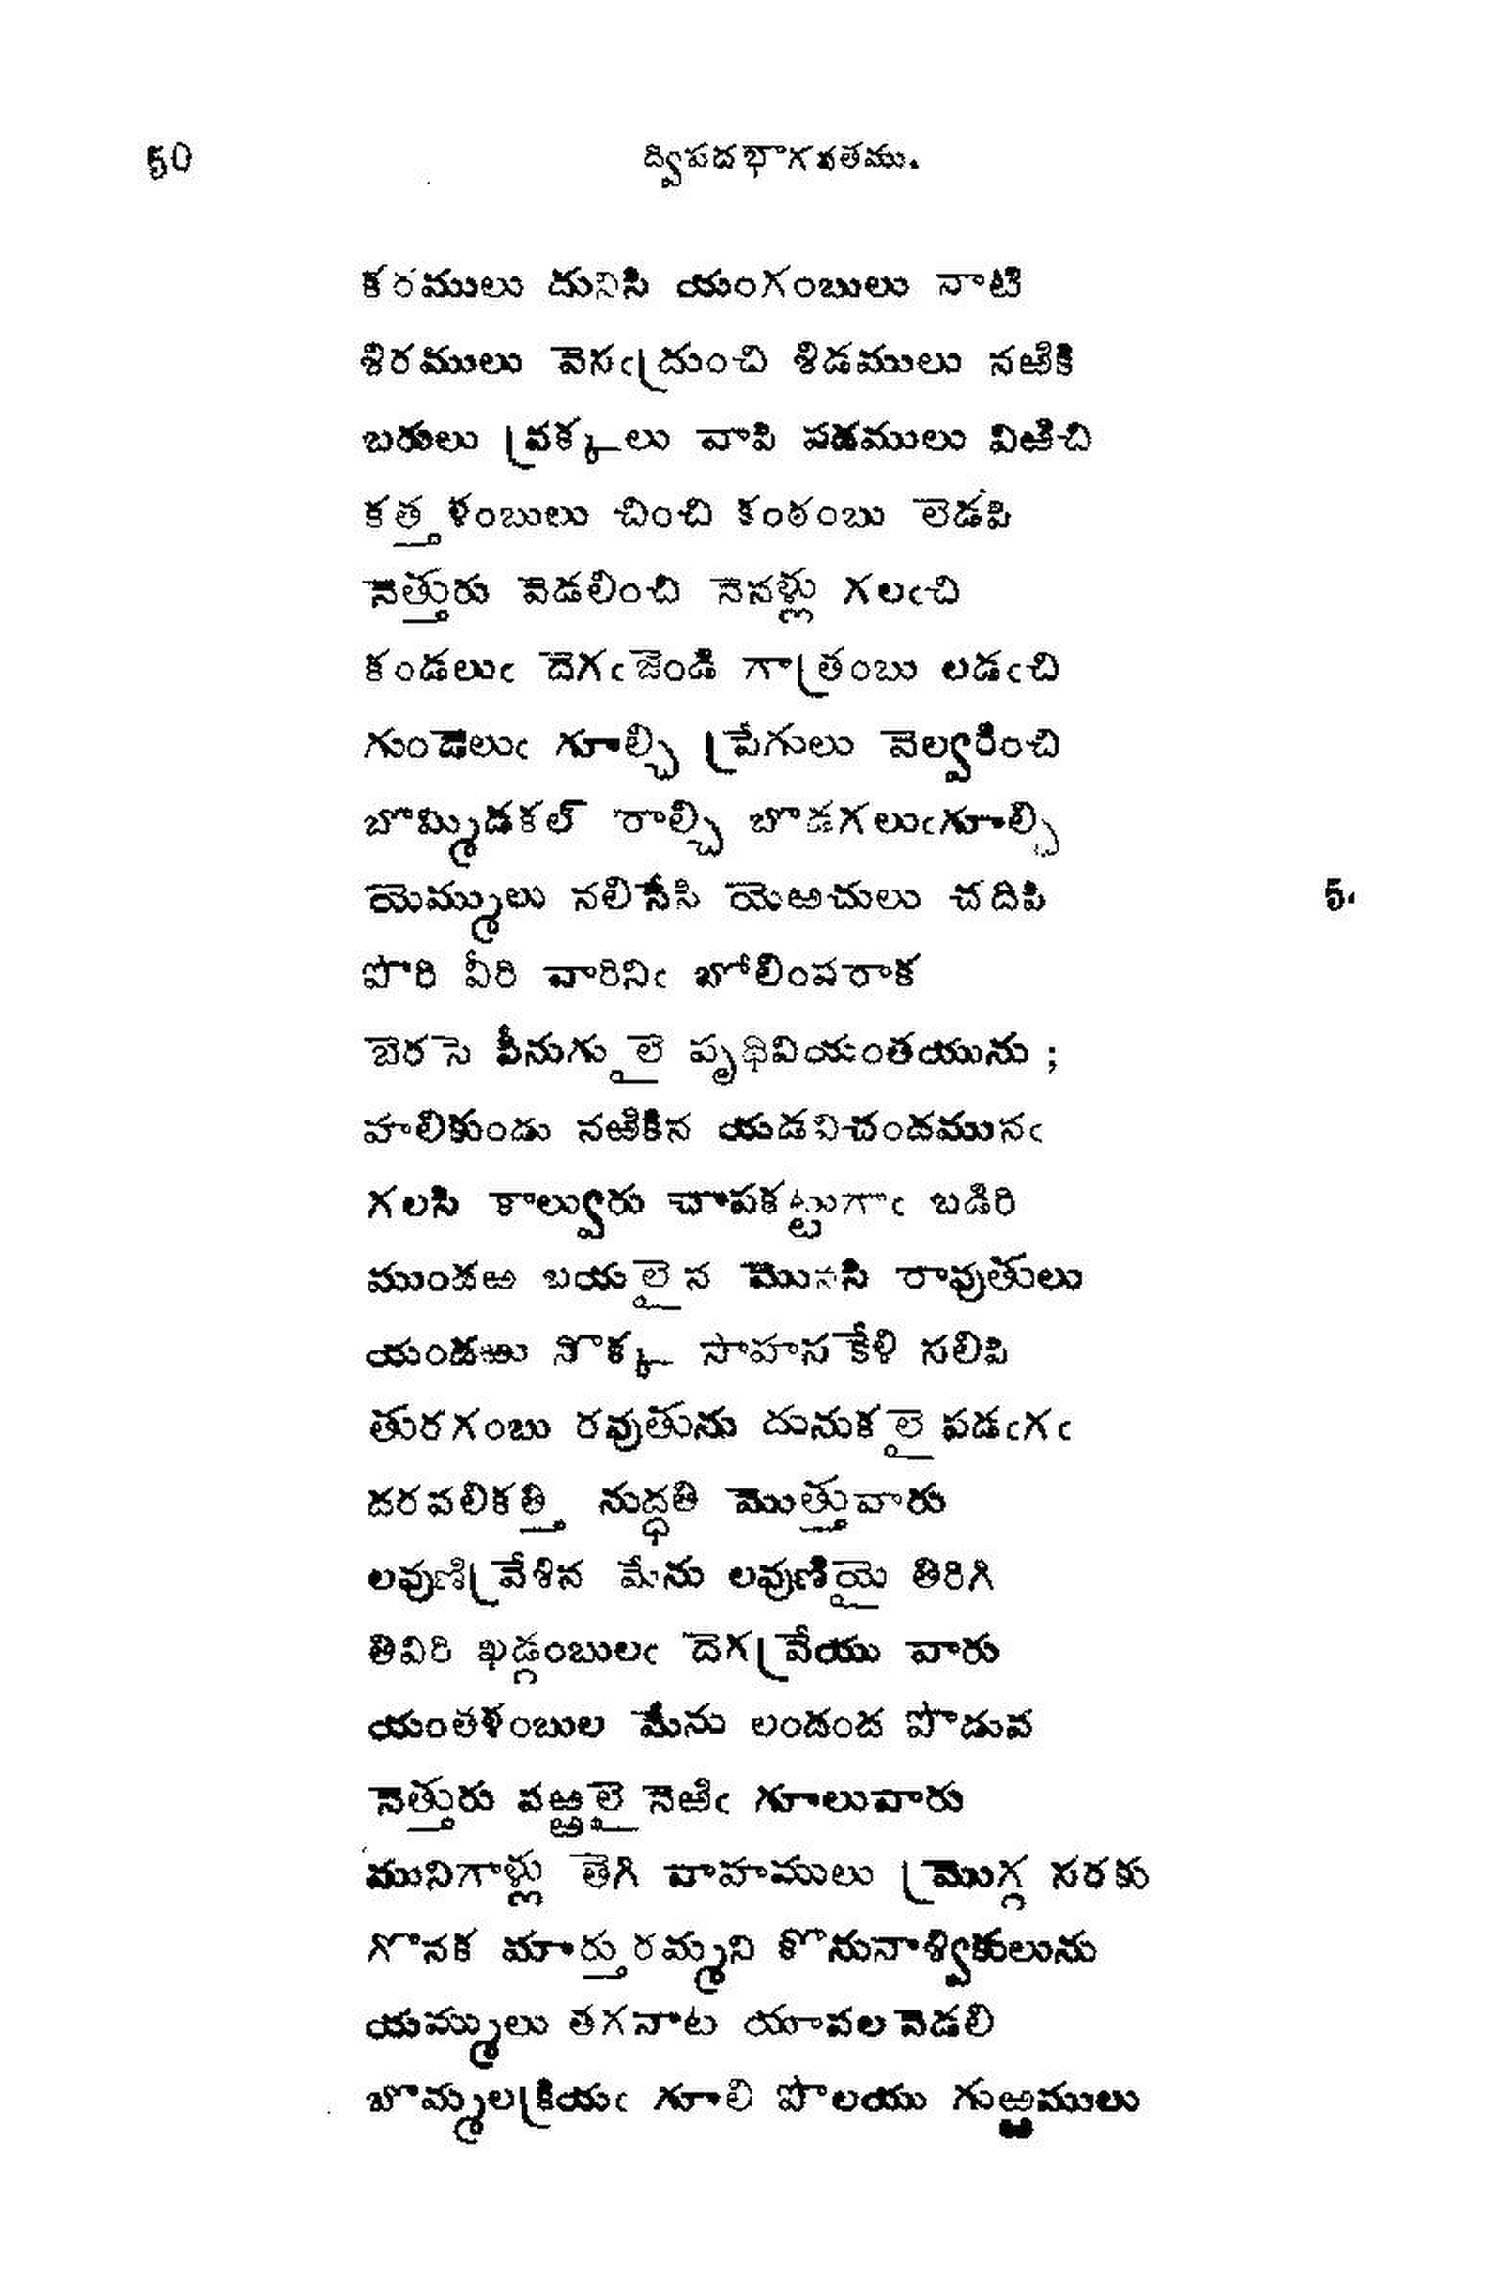కరములు దునిసి యంగంబులు నాటి
శిరములు వెసఁ ద్రుంచి శిడములు నఱికి
బరులు వ్రక్కలు వాపి పదములు విఱిచి
కత్తళంబులు చించి కంఠంబు లెడపి
నెత్తురు వెడలించి నెనళ్లు గలఁచి
కండలుఁ దెగఁజెండి గాత్రంబు లడఁచి
గుండెలుఁ గూల్చి ప్రేగులు వెల్వరించి
బొమ్మిడకల్ రాల్చి బొడగలుఁ గూల్చి
యెమ్ములు నలిసేసి యెఱచులు చదిపి
పొరి వీరి వారిని బోలింపరాక
బెరసె పీనుగులై పృథివియంతయును;
హలికుండు నఱికిన యడవిచందమునఁ
గలసి కాల్వురు చాపకట్టుగాఁ బడిరి
ముందఱ బయలైన మొనసి రావుతులు
యందఱు నొక్కసాహసకేళి సలిపి
తురగంబు రవుతును దునుకలై పడఁగఁ
దరవలికత్తి నుద్ధతి మొత్తువారు
లవుణి వ్రేశిన మేను లవుణియై తిరిగి
తివిరి ఖడ్గంబులఁ దెగవ్రేయువారు
యంతళంబుల మేను లందంద పొడువ
నెత్తురు వఱ్ఱలై నెఱిఁ గూలువారు
మునిగాళ్లు తెగి వాహములు మ్రొగ్గ సరకు
గొనక మార్తురమ్మని కొనునాశ్వికులును
యమ్ములు తగనాట యావల వెడలి
బొమ్మలక్రియఁ గూలి పొలయు గుఱ్ఱములు